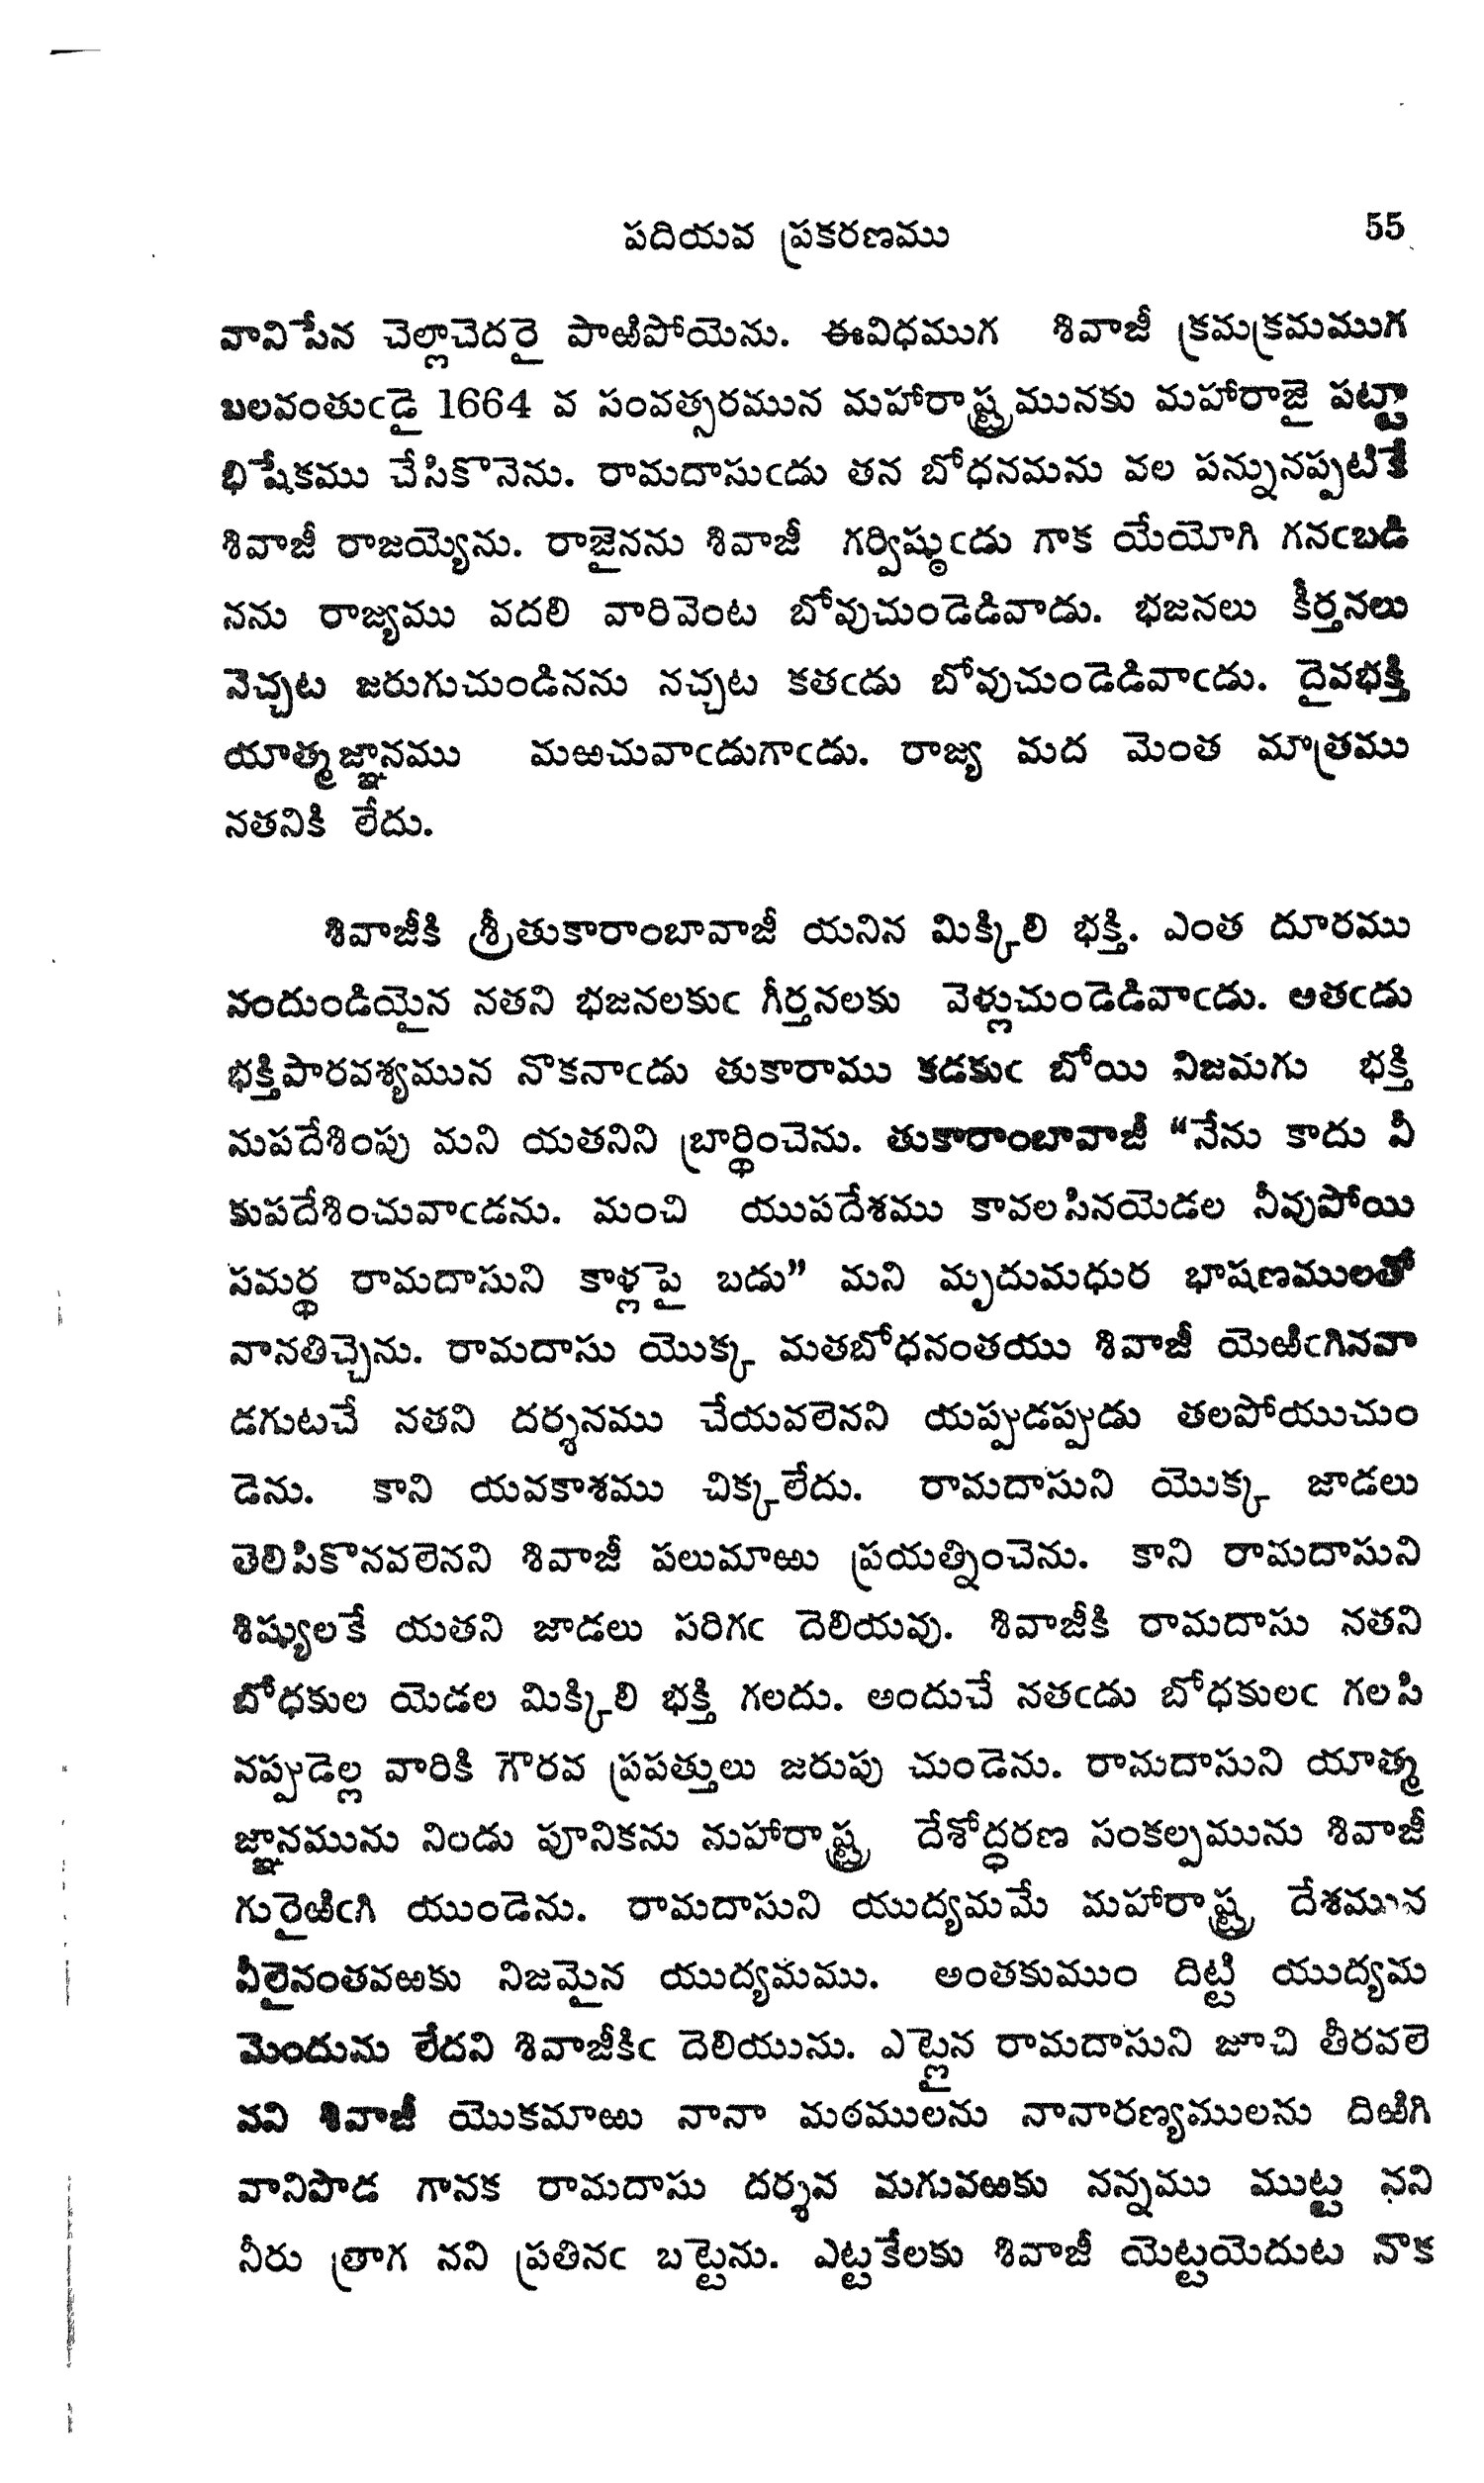వానిసేవ చెల్లాచెదరై పాఱిపోయెను. ఈవిధముగ శివాజీ క్రమక్రమముగ బలవంతుడై 1664 వ సంవత్సరమున మహారాష్ట్రమునకు మహారాజై పట్టాభిషేకము చేసికొనెను. రామదాసుడు తన బోధనమను వల పన్నునప్పటికే శివాజీ రాజయ్యెను. రాజైనను శివాజీ గర్విష్ఠుడు గాక యేయోగి గనబడినను రాజ్యము వదలి వారివెంట బోవుచుండెడివాడు. భజనలు కీర్తనలు నెచ్చట జరుగుచుండినను నచ్చట కతడు బోవుచుండెడివాడు. దైవభక్తి యాత్మజ్ఞానము మఱచువాడుగాడు. రాజ్య మద మెంత మాత్రము నతనికి లేదు.

శివాజీకి శ్రీతుకారాంబావాజీ యనిన మిక్కిలి భక్తి. ఎంత దూరము నందుండియైన నతని భజనలకు గీర్తనలకు వెళ్లుచుండెడివాడు. ఆతడు భక్తిపారవశ్యమున నొకనాడు తుకారాము కడకు బోయి నిజమగు భక్తి నుపదేశింపు మని యతనిని బ్రార్థించెను. తుకారాంబావాజీ "నేను కాదు నీ కుపదేశించువాడను. మంచి యుపదేశము కావలసినయెడల నీవుపోయి సమర్థ రామదాసుని కాళ్లపై బడు" మని మృదుమధుర భాషణములతో నానతిచ్చెను. రామదాసు యొక్క మతబోధనంతయు శివాజీ యెఱిగినవా డగుటచే నతని దర్శనము చేయవలెనని యప్పుడప్పుడు తలపోయుచుండెను. కాని యవకాశము చిక్కలేదు. రామదాసుని యొక్క జాడలు తెలిసికొనవలెనని శివాజీ పలుమాఱు ప్రయత్నించెను. కాని రామదాసుని శిష్యులకే యతని జాడలు సరిగ దెలియవు. శివాజీకి రామదాసు నతని బోధకుల యెడల మిక్కిలి భక్తి గలదు. అందుచే నతడు బోధకుల గలసినప్పుడెల్ల వారికి గౌరవ ప్రపత్తులు జరుపు చుండెను. రామదాసుని యాత్మజ్ఞానమును నిండు పూనికను మహారాష్ట్ర దేశోద్ధరణ సంకల్పమును శివాజీ గురైఱిగి యుండెను. రామదాసుని యుద్యమమే మహారాష్ట్ర దేశమున వీలైనంతవఱకు నిజమైన యుద్యమము. అంతకుముం దిట్టి యుద్యమ మెందును లేదని శివాజీకి దెలియును. ఎట్లైన రామదాసుని జూచి తీరవలెనని శివాజీ యొకమాఱు నానా మఠములను నానారణ్యములను దిఱిగి వానిపొడ గానక రామదాసు దర్శన మగువఱకు నన్నము ముట్ట నని నీరు త్రాగ నని ప్రతిన బట్టెను. ఎట్టకేలకు శివాజీ యెట్టయెదుట నొక